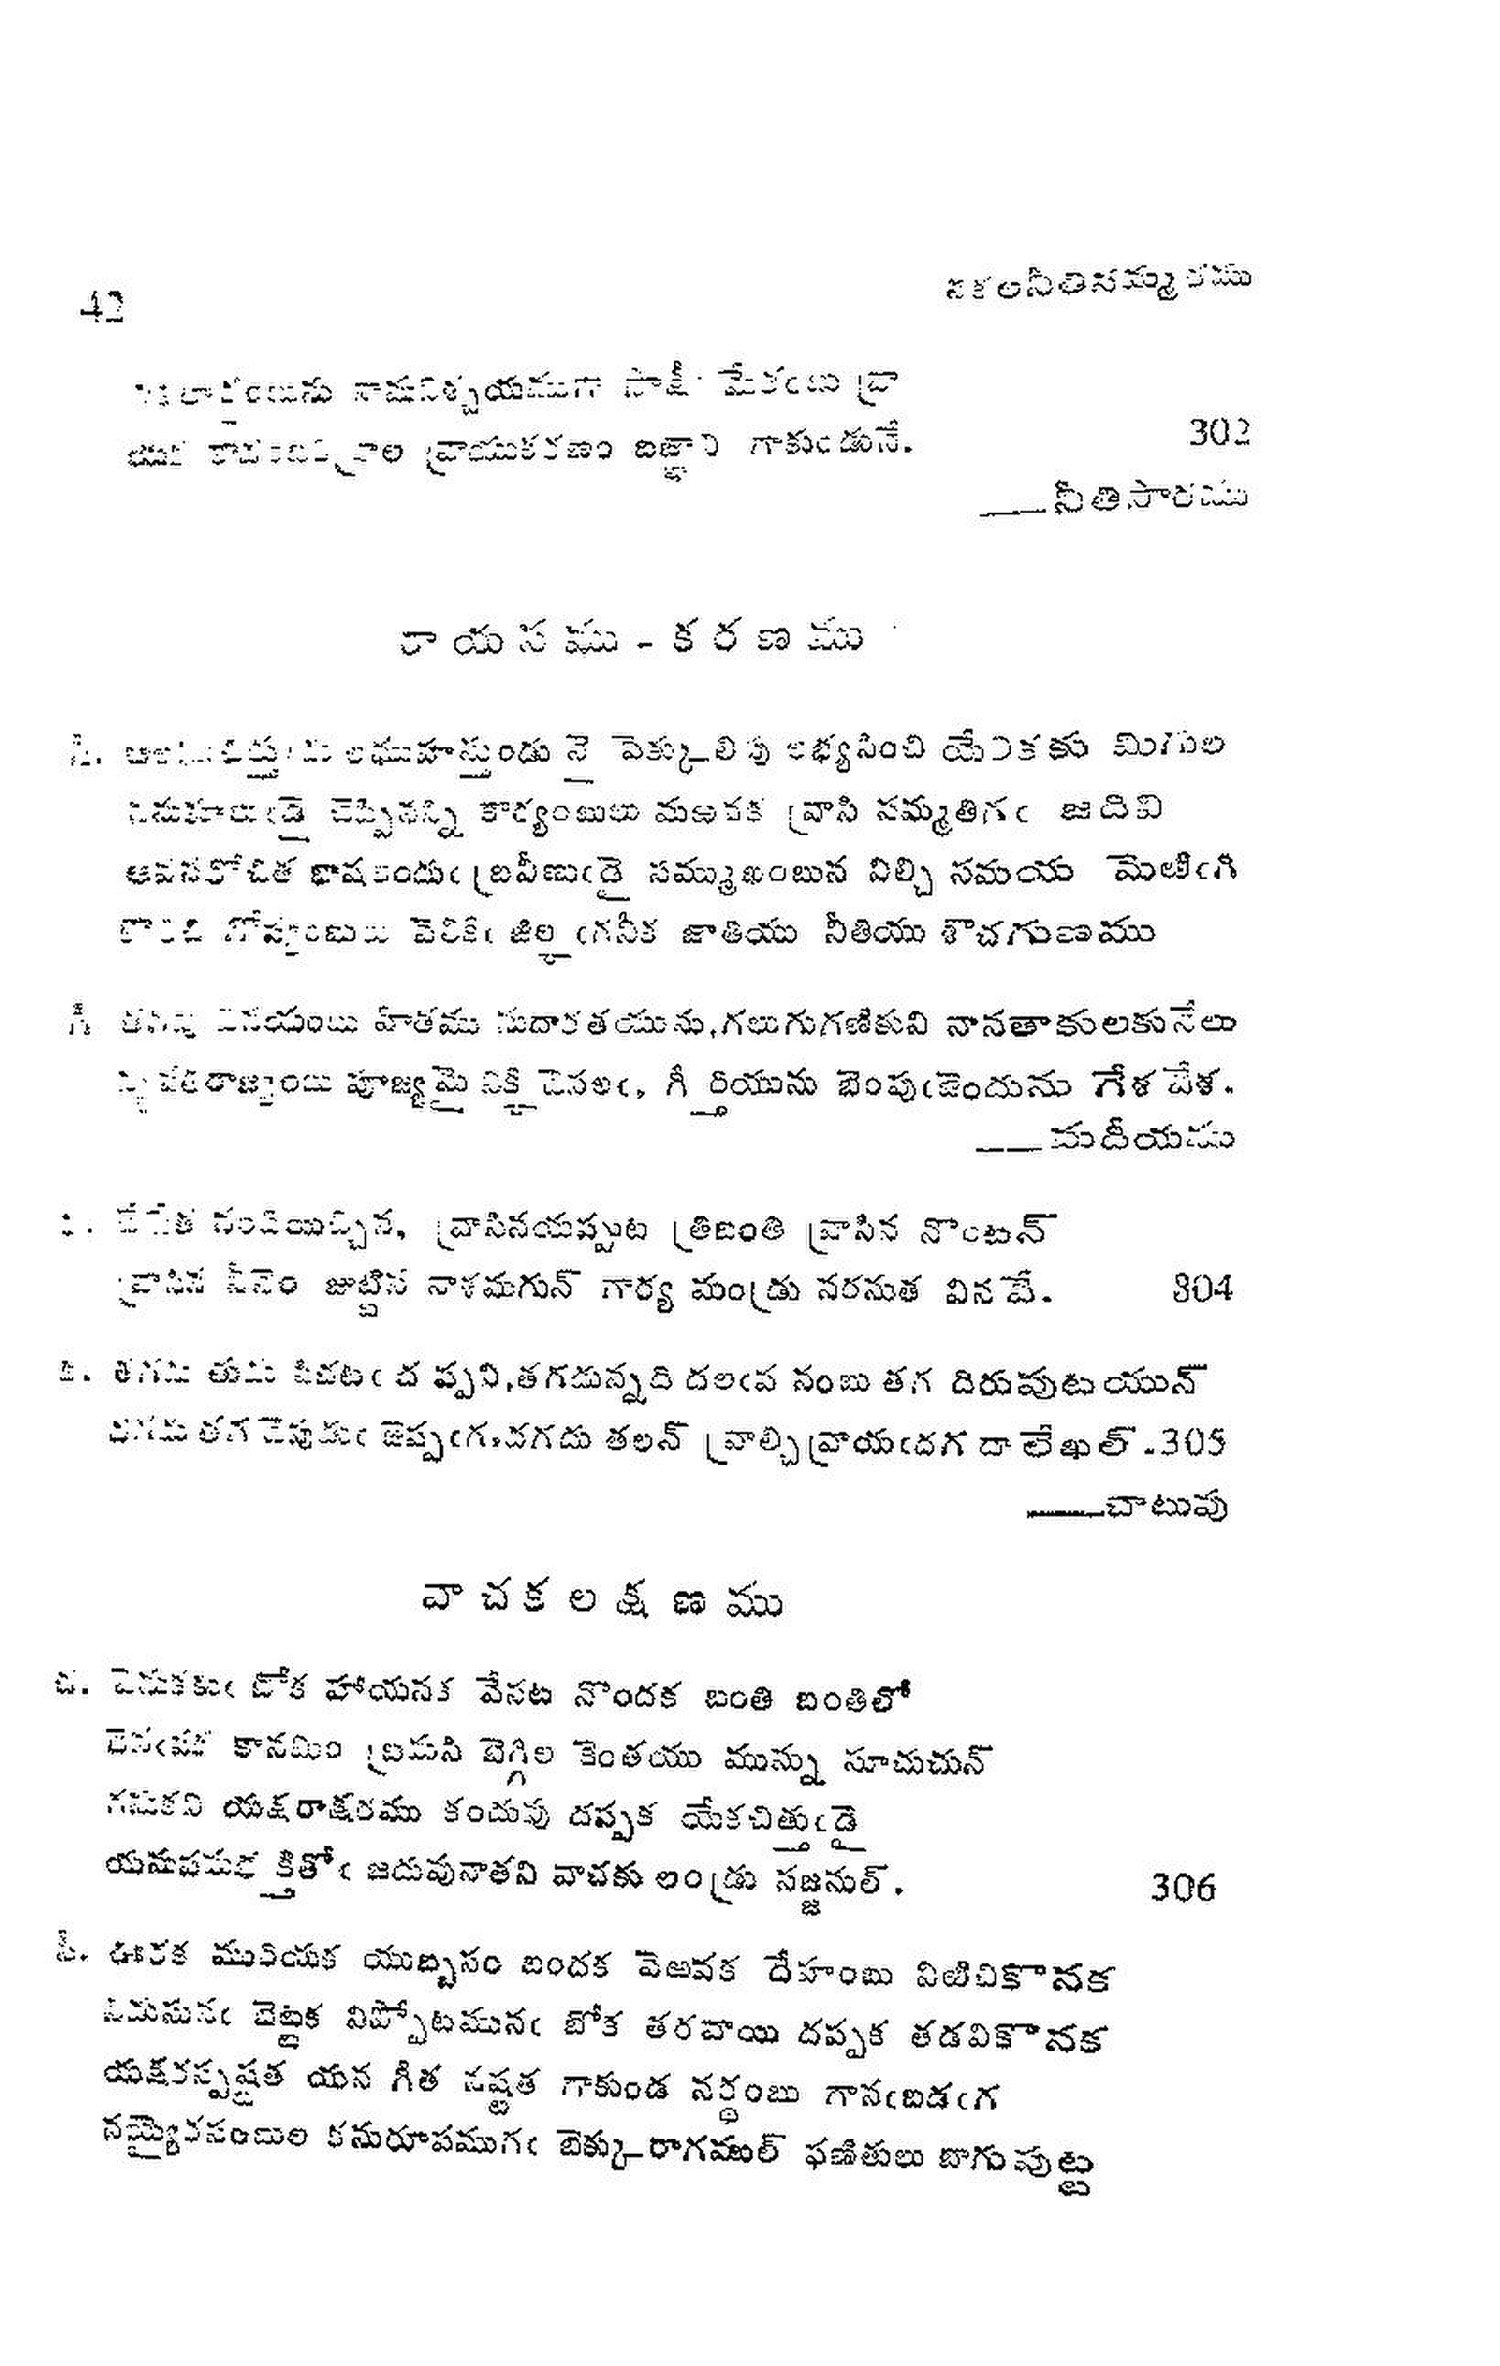సకలార్థంబును నామనిశ్చయముగా సాక్షీసమేతంబు వ్రా
యక కాదంబరివ్రాల వ్రాయుకరణం బజ్ఞాని గాకుండునే. 302

సీ. అలఘుచిత్తుఁడు లఘుహస్తుఁడునై పెక్కు
లిపు లభ్యసించి యేలికకు మిగుల
ననుకూలుఁడై చెప్పినన్ని కార్యంబులు
మఱవక వ్రాసి సమ్మతిగఁ జదివి
అవసరోచిత భాషలందుఁ బ్రవీణుఁడై
సమ్ముఖంబున నిల్చి సమయ మెఱిఁగి
కొలిచి గోప్యంబులు వెలికిఁ జిల్కఁగనీక
జాతియు నీతియు శౌచగుణము
గీ. తగవు వినయంబు హితము నుదారతయును
గలుగు గణికుని నానతాకులకునేలు
నృపతిరాజ్యంబు పూజ్యమై నిక్కి దెసఱఁ
గీర్తియును బెంపుఁజెందును గేశవేశ. 303

క. చేసేత నందియిచ్చిన
వ్రాసినయప్పుట త్రిబంతి వ్రాసిన నొంటన్
వ్రాసిన నీనెం జుట్టిన
నాశమగున్ గార్య మండ్రు నరనుత వినవే. 304

క. తగదు తుడు పిచటఁ ద ప్పని
తగదున్నది దలఁప నంబు తగ దిరువుటయున్
దగదు తగదెపుడుఁ జెప్పఁగ
దగదు తలన్ వ్రాల్చివ్రాయఁదగ దా లేఖల్. 305

చ. వెనుకకుఁ బోక హాయనక వేసట నొందక బంతి బంతిలో
బెనఁపక కానమిం బ్రమసి బెగ్గిల కెంతయు మున్ను సూచుచున్
గనుకని యక్షరాక్షరము కందువు దప్పక యేకచిత్తుఁడై
యనుపమభక్తితోఁ జదువునాతని వాచకు లండ్రు సజ్జనుల్. 306

సీ. ఊరక మురియక యుబ్బసం బందక
వెఱవక దేహంబు విఱిచికొనక
నిడుసునఁ బెట్టత నిప్పోటమునఁ బోక
తరవాయి దప్పక తడవికొనక
యక్షరస్పష్టత యన గీత నష్టత
గాకుండ నర్థంబు గానఁబడఁగ
నయ్యైరసంబుల కనురూపముగఁ బెక్కు
రాగముల్ ఫణితులు బాగుపుట్ట